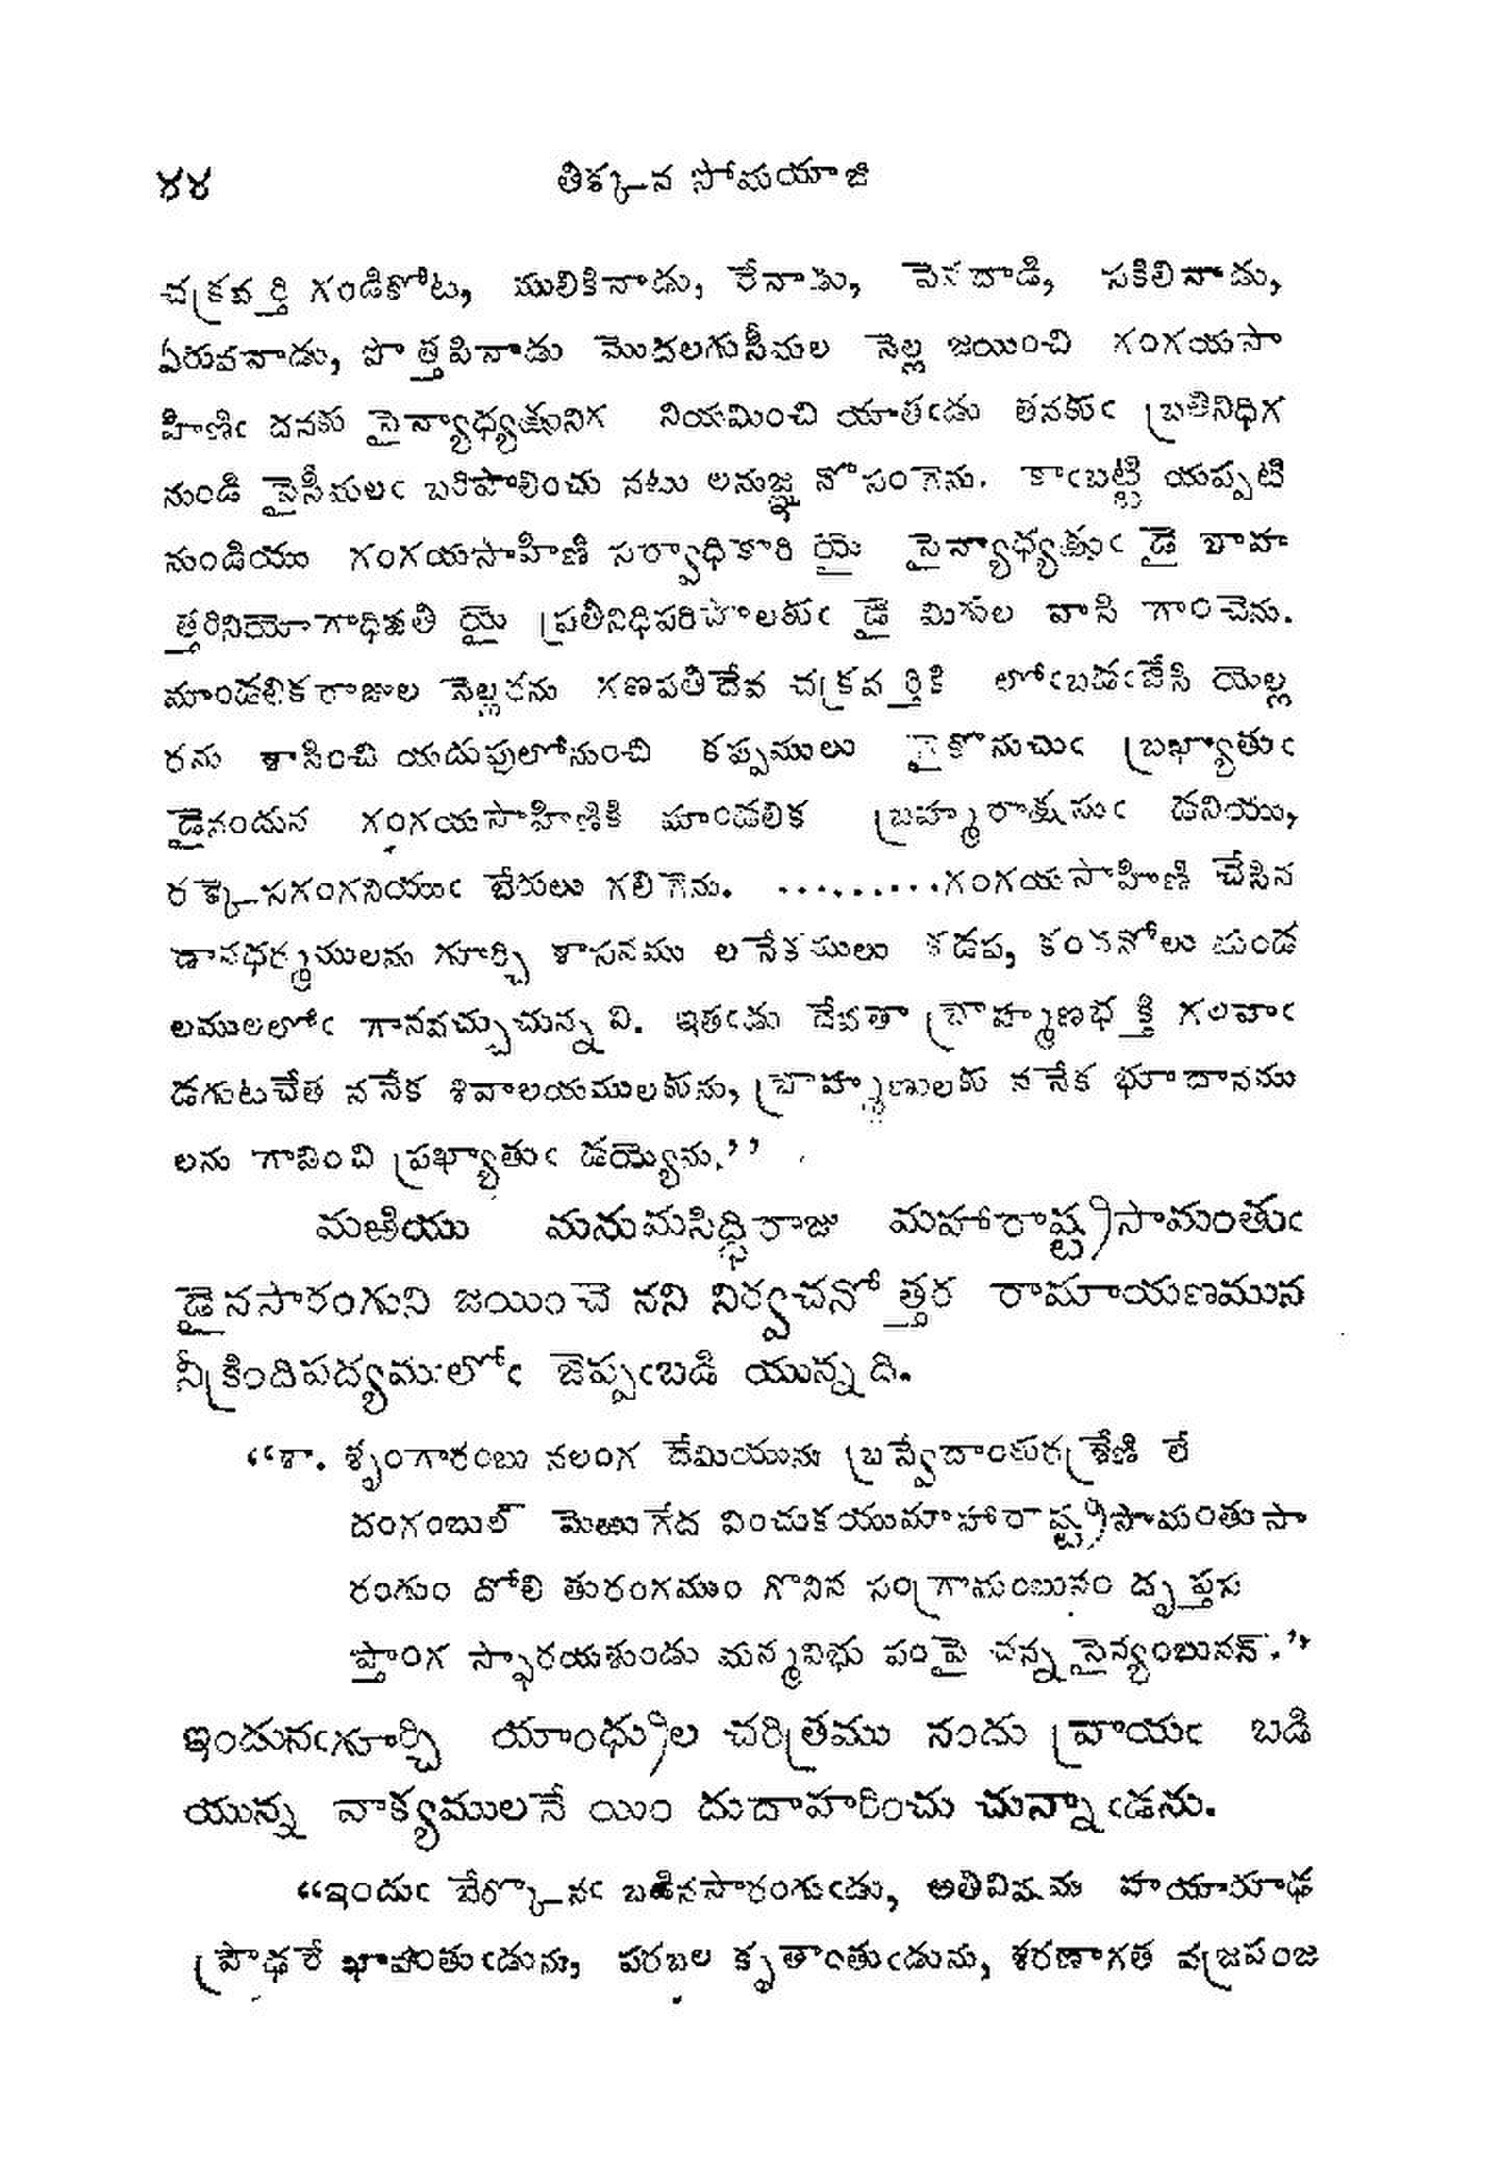చక్రవర్తి గండికోట, ములికినాడు, రేనాడు, పెనదాడి, సకిలినాడు, ఏరువనాడు, పొత్తపినాడు మొదలగుసీమల నెల్ల జయించి గంగయసాహిణిఁ దనకు సైన్యాధ్యక్షునిగా నియమించి యాతఁడు తనకుఁ బ్రతినిధిగ నుండి పైసీమలఁ బరిపాలించు నటు లనుజ్ఞ నొసంగెను. కాఁబట్టి యప్పటి నుండియు గంగయసాహిణి సర్వాధికారి యై సైన్యాధ్యక్షుఁ డై బాహత్తరినియోగాధిపతి యై ప్రతినిధిపరిపాలకుఁ డై మిగుల వాసి గాంచెను. మాండలికరాజుల నెల్లరను గణపతిదేవ చక్రవర్తికి లోఁబడఁజేసి యెల్లరను శాసించి యదుపులోనుంచి కప్పములు గైకొనుచుఁ బ్రఖ్యాతుఁ డైనందున గంగయసాహిణికి మాండలిక బ్రహ్మరాక్షసుఁ డనియు, రక్కెసగంగనియుఁ బేరులు గలిగెను. .........గంగయసాహిణి చేసిన డాపధర్మములను గూర్చి శాసనము లనేకములు కడప, కందవోలు మండలములలోఁ గానవచ్చుచున్నవి. ఇతఁడు దేవతా బ్రాహ్మణభక్తి గలవాఁడగుటచేత ననేక శివాలయములకును, బ్రాహ్మణులకు ననేక భూదానములను గావించి ప్రఖ్యాతుఁ డయ్యెను." 

మఱియు మనుమసిద్ధిరాజు మహారాష్ట్రసామంతుఁ డైనసారంగుని జయించె నని నిర్వచనోత్తర రామాయణమున నీక్రిందిపద్యములోఁ జెప్పఁబడి యున్నది. 

"శా. శృంగారంబు నలంగ దేమియును బ్రస్వేదాంకురశ్రేణి లే
 దంగంబుల్ మెఱుగేద వించుకయుమాహారాష్ట్రసామంతుసా 
 రంగుం దోలి తురంగముం గొనిన సంగ్రామంబునం దృప్తస
 ప్తాంగ స్ఫారయశుండు మన్మవిభు పంపై చన్న సైన్యంబునన్." 
ఇందునఁగూర్చి యాంధ్రుల చరిత్రము నందు వ్రాయఁ బడి యున్న వాక్యములనే యిం దుదాహరించు చున్నాఁడను.

“ఇందుఁ బేర్కొనఁ బడినసారంగుఁడు, అతివిషమ హయారూఢ ప్రౌఢరే ఖావంతుఁడును, పరబల కృతాంతుఁడును, శరణాగత వజ్రపంజ